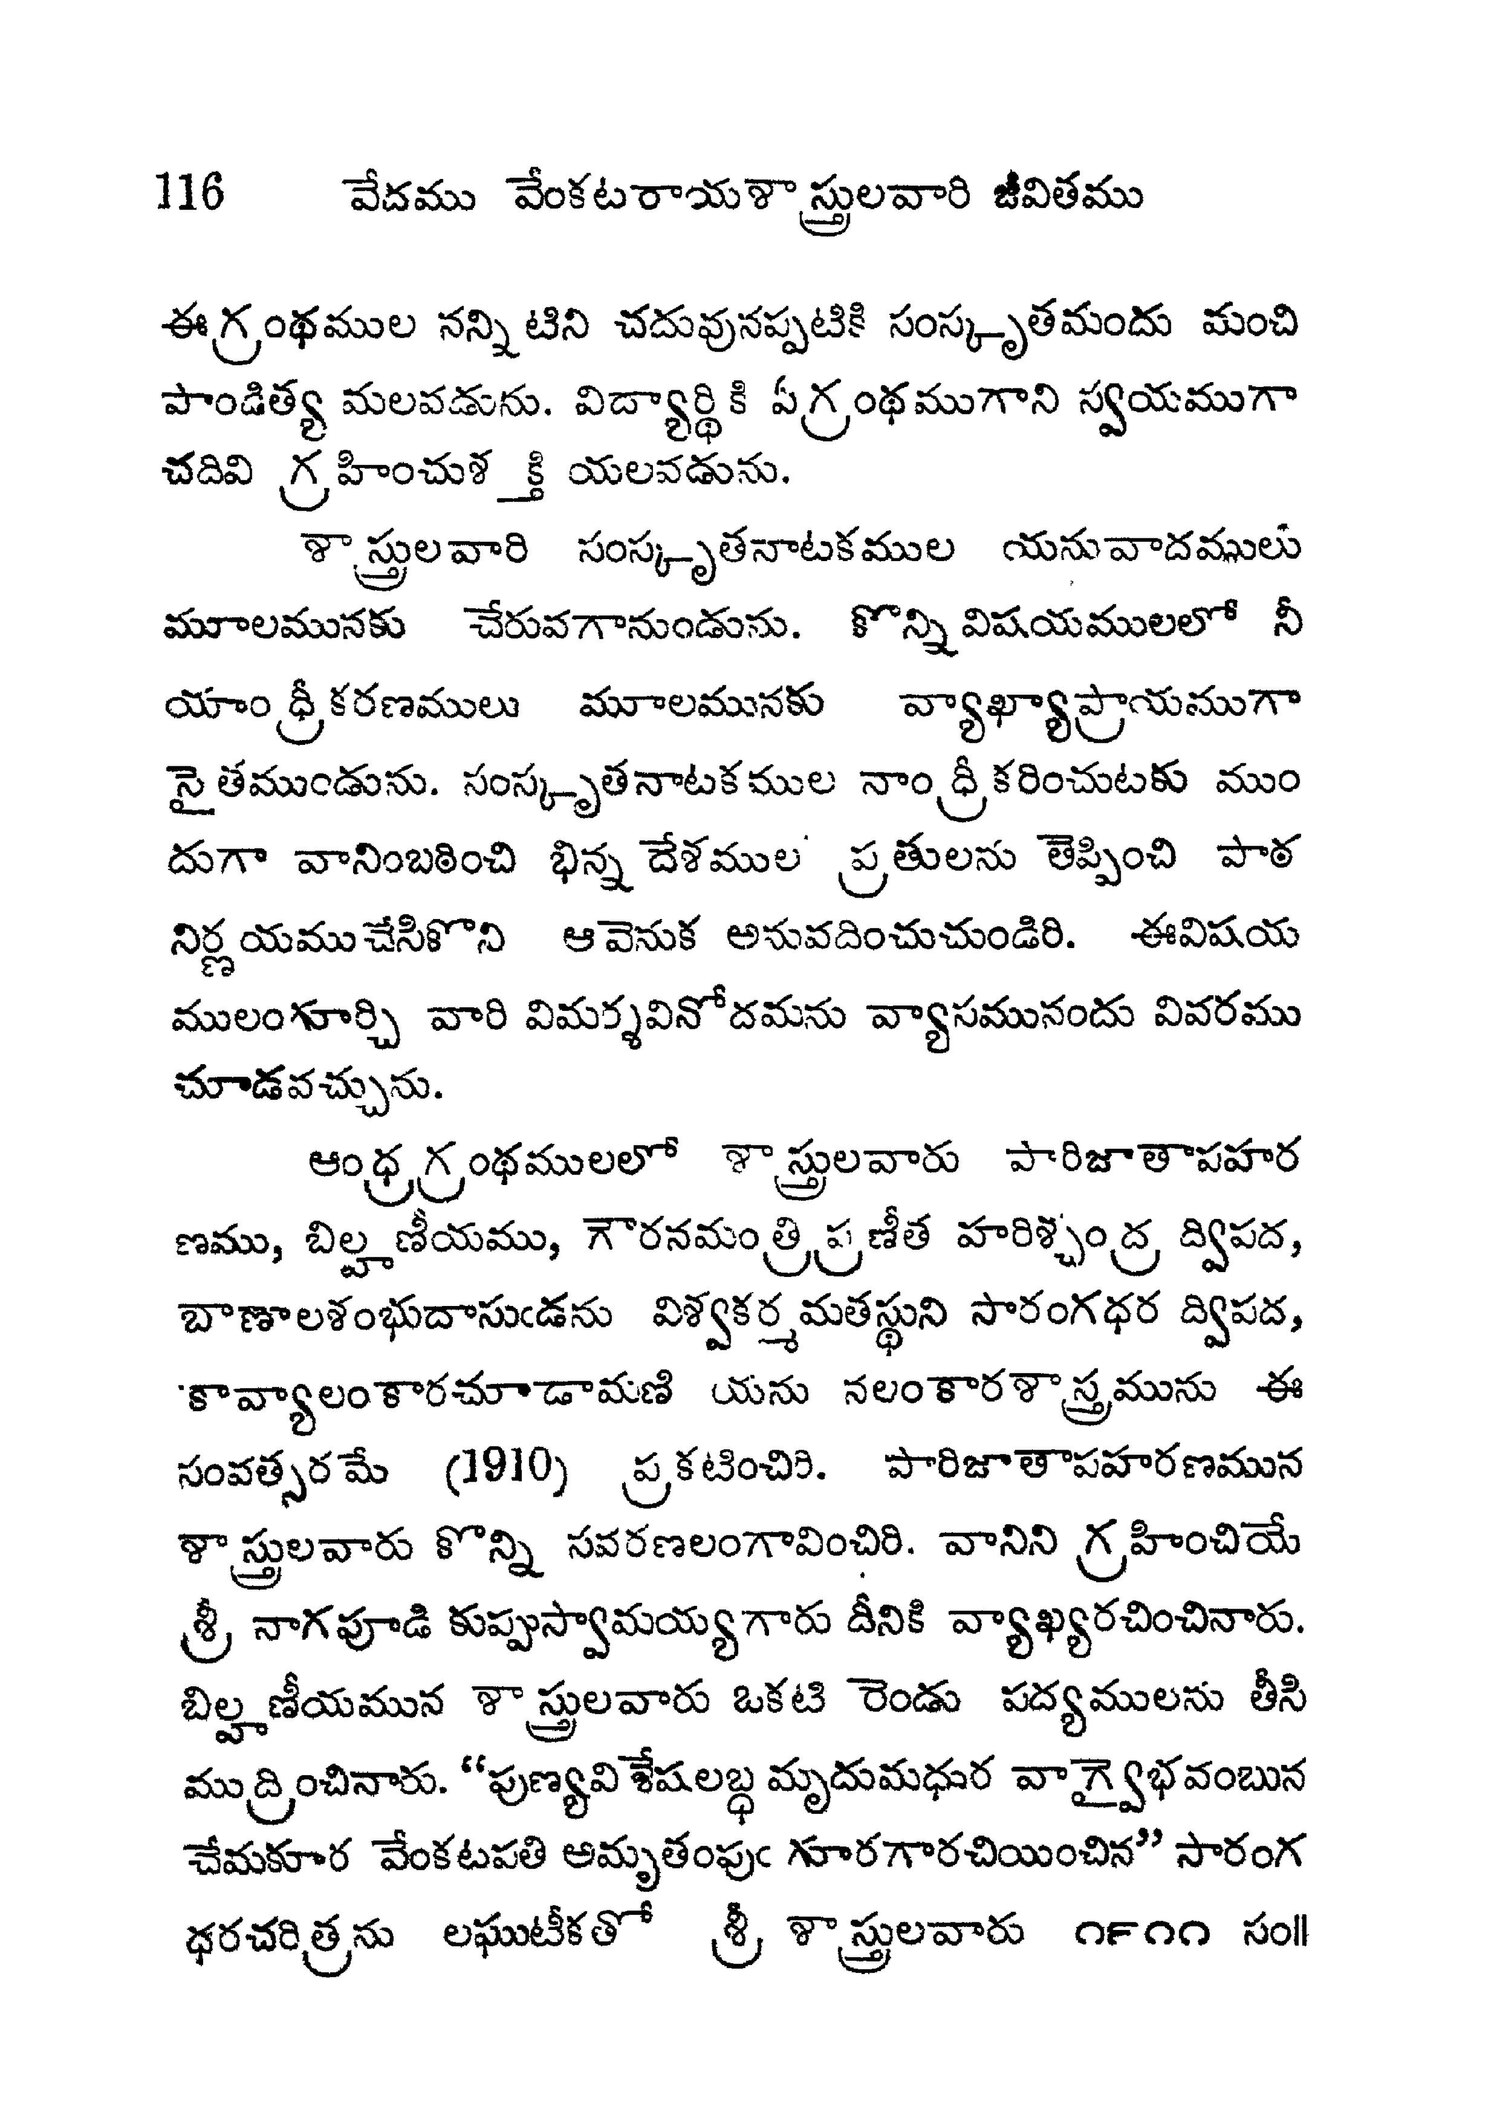ఈగ్రంథముల నన్నిటిని చదువునప్పటికి సంస్కృతమందు మంచి పాండిత్య మలవడును. విద్యార్థికి ఏగ్రంథముగాని స్వయముగా చదివి గ్రహించుశక్తి యలవడును.

శాస్త్రులవారి సంస్కృతనాటకముల యనువాదములు మూలమునకు చేరువగానుండును. కొన్నివిషయములలో నీయాంధ్రీకరణములు మూలమునకు వ్యాఖ్యాప్రాయముగా సైతముండును. సంస్కృతనాటకముల నాంధ్రీకరించుటకు ముందుగా వానింబఠించి భిన్న దేశముల ప్రతులను తెప్పించి పాఠ నిర్ణయముచేసికొని ఆవెనుక అనువదించుచుండిరి. ఈవిషయములంగూర్చి వారి విమర్శవినోదమను వ్యాసమునందు వివరము చూడవచ్చును.

ఆంధ్రగ్రంథములలో శాస్త్రులవారు పారిజాతాపహరణము, బిల్హణీయము, గౌరనమంత్రిప్రణీత హరిశ్చంద్ర ద్విపద, బాణాలశంభుదాసుడను విశ్వకర్మమతస్థుని సారంగధర ద్విపద, కావ్యాలంకారచూడామణి యను నలంకారశాస్త్రమును ఈ సంవత్సరమే (1910) ప్రకటించిరి. పారిజాతాపహరణమున శాస్త్రులవారు కొన్ని సవరణలంగావించిరి. వానిని గ్రహించియే శ్రీ నాగపూడి కుప్పుస్వామయ్యగారు దీనికి వ్యాఖ్యరచించినారు. బిల్హణీయమున శాస్త్రులవారు ఒకటి రెండు పద్యములను తీసి ముద్రించినారు. "పుణ్యవిశేషలబ్ధ మృదుమధుర వాగ్వైభవంబున చేమకూర వేంకటపతి అమృతంపు గూరగారచియించిన" సారంగధరచరిత్రను లఘుటీకతో శ్రీ శాస్త్రులవారు 1911 సం.